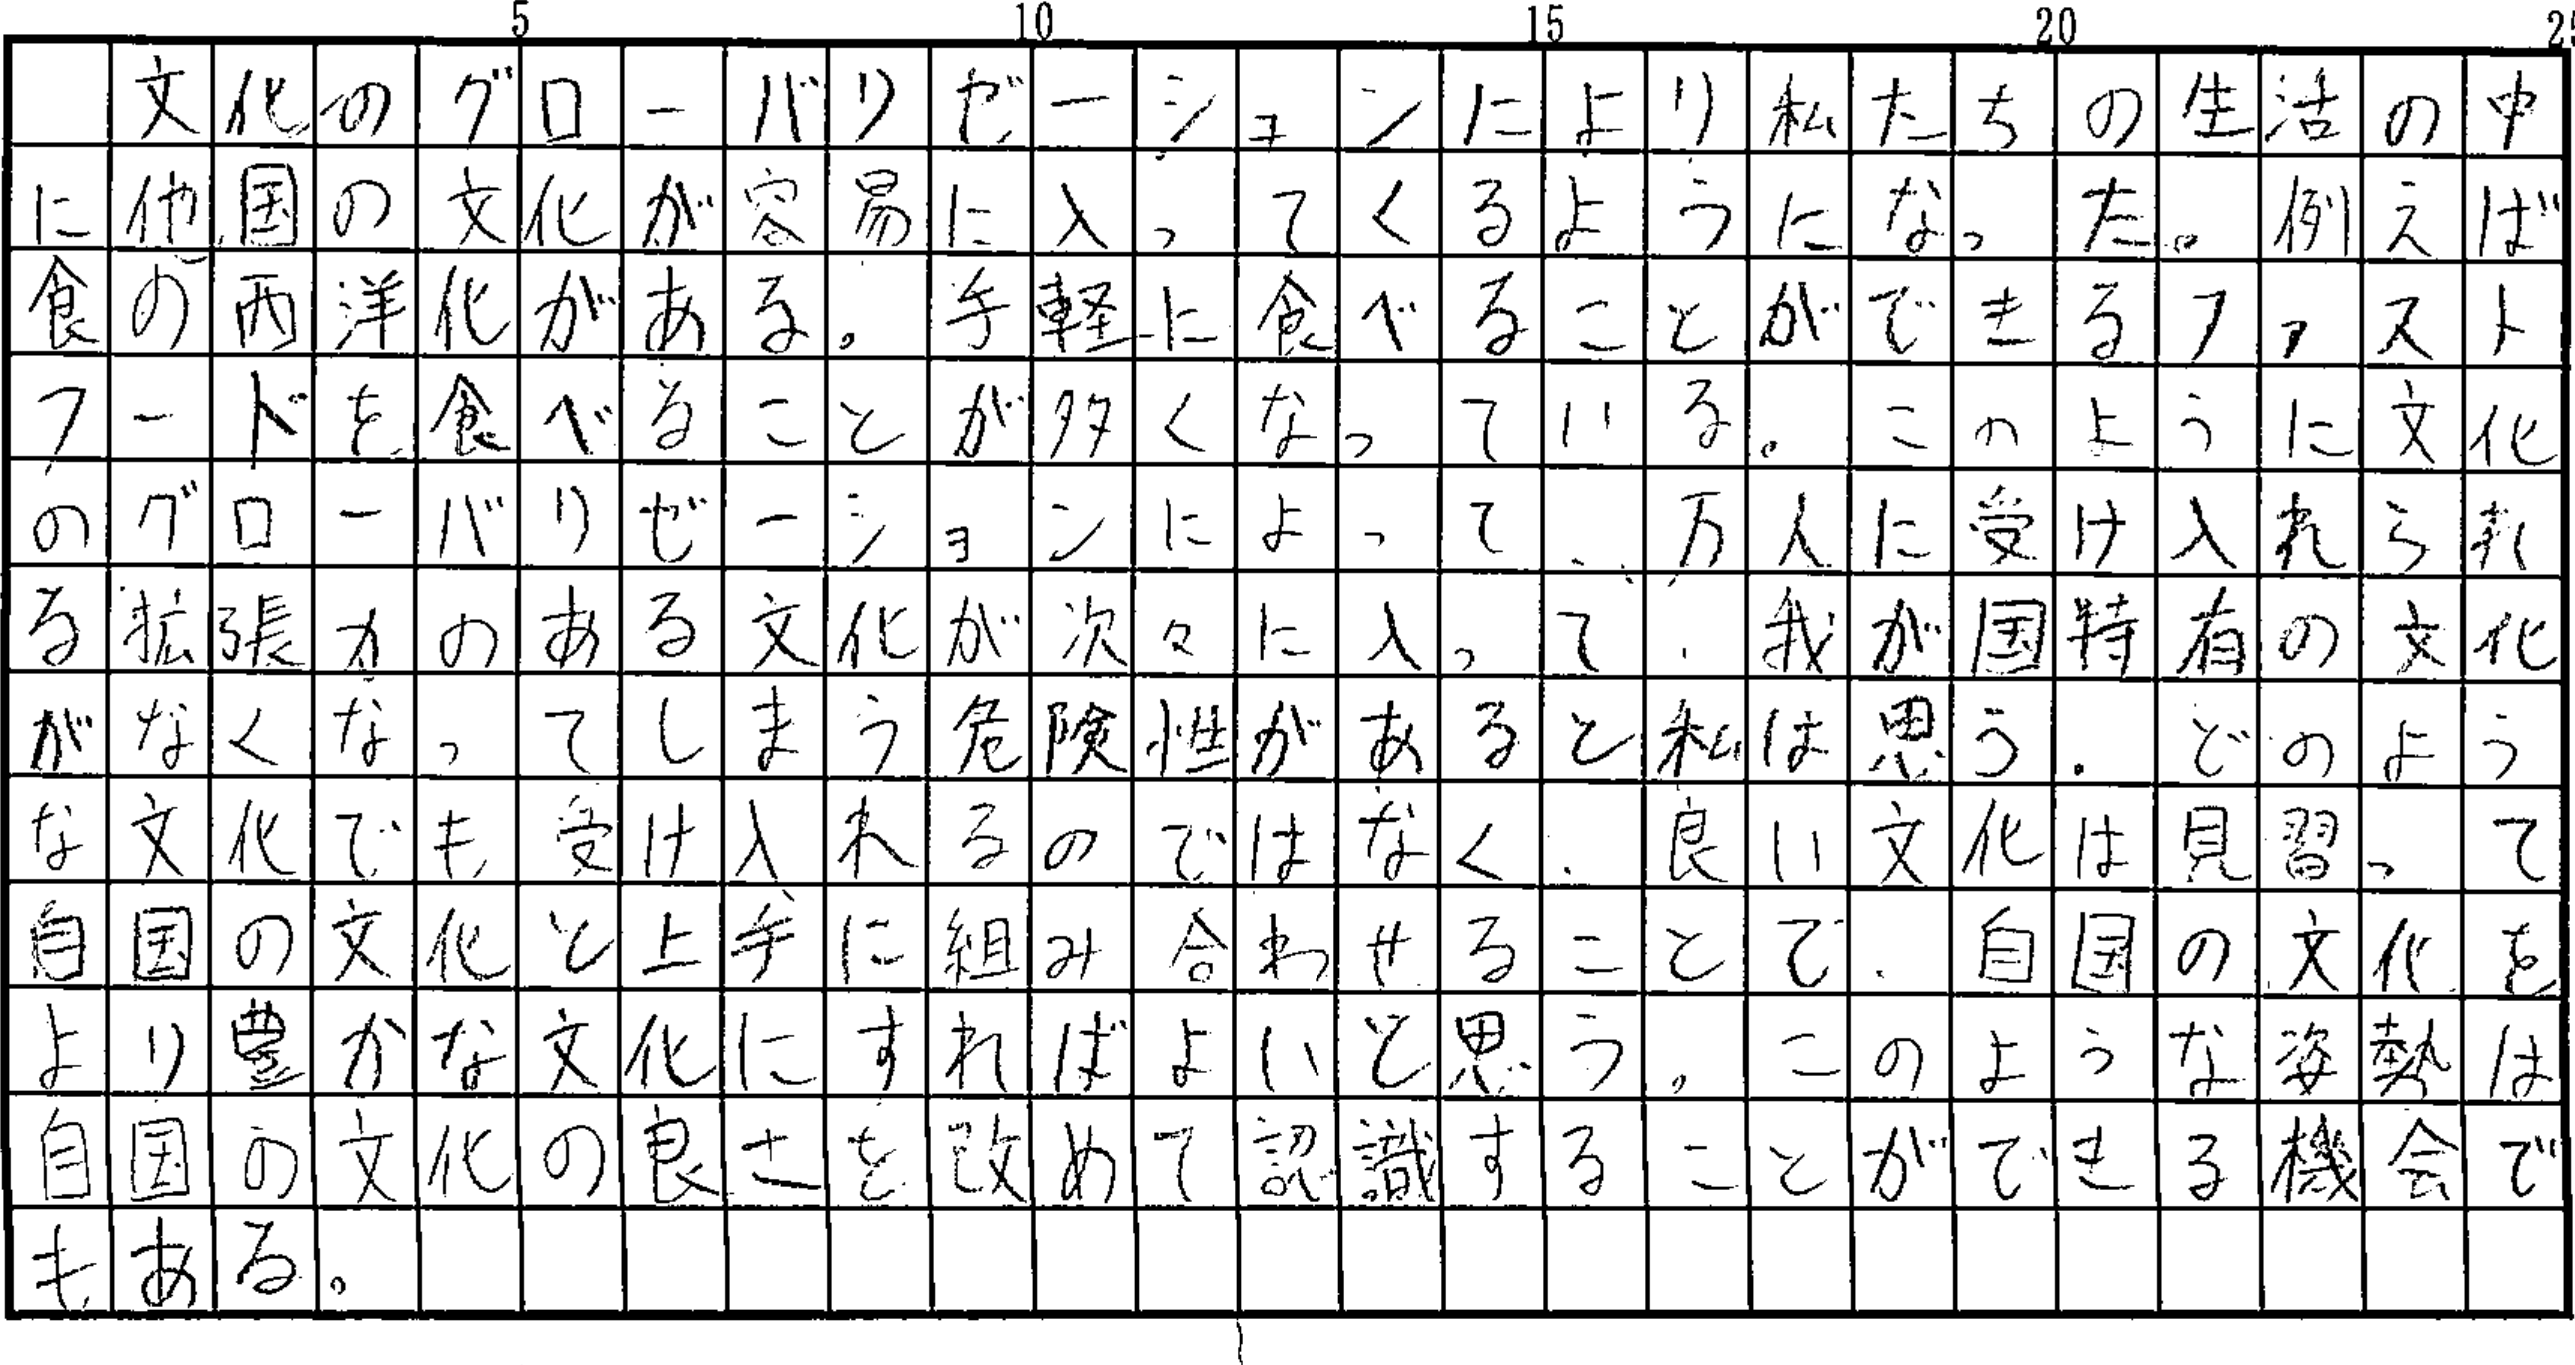　文化のグローバリゼーションにより私たちの生活の中に他国の文化が容易に入ってくるようになった。例えば食の西洋化がある。手軽に食べることができるファストフードを食べることが多くなっている。このように文化のグローバリゼーションによって、万人に受け入れられる拡張力のある文化が次々に入って、我が国特有の文化がなくなってしまう危険性があると私は思う。どのような文化でも受け入れるのではなく、良い文化は見習って自国の文化と上手に組み合わせることで、自国の文化をより豊かな文化にすればよいと思う。このような姿勢は自国の文化の良さを改めて認識することができる機会でもある。
